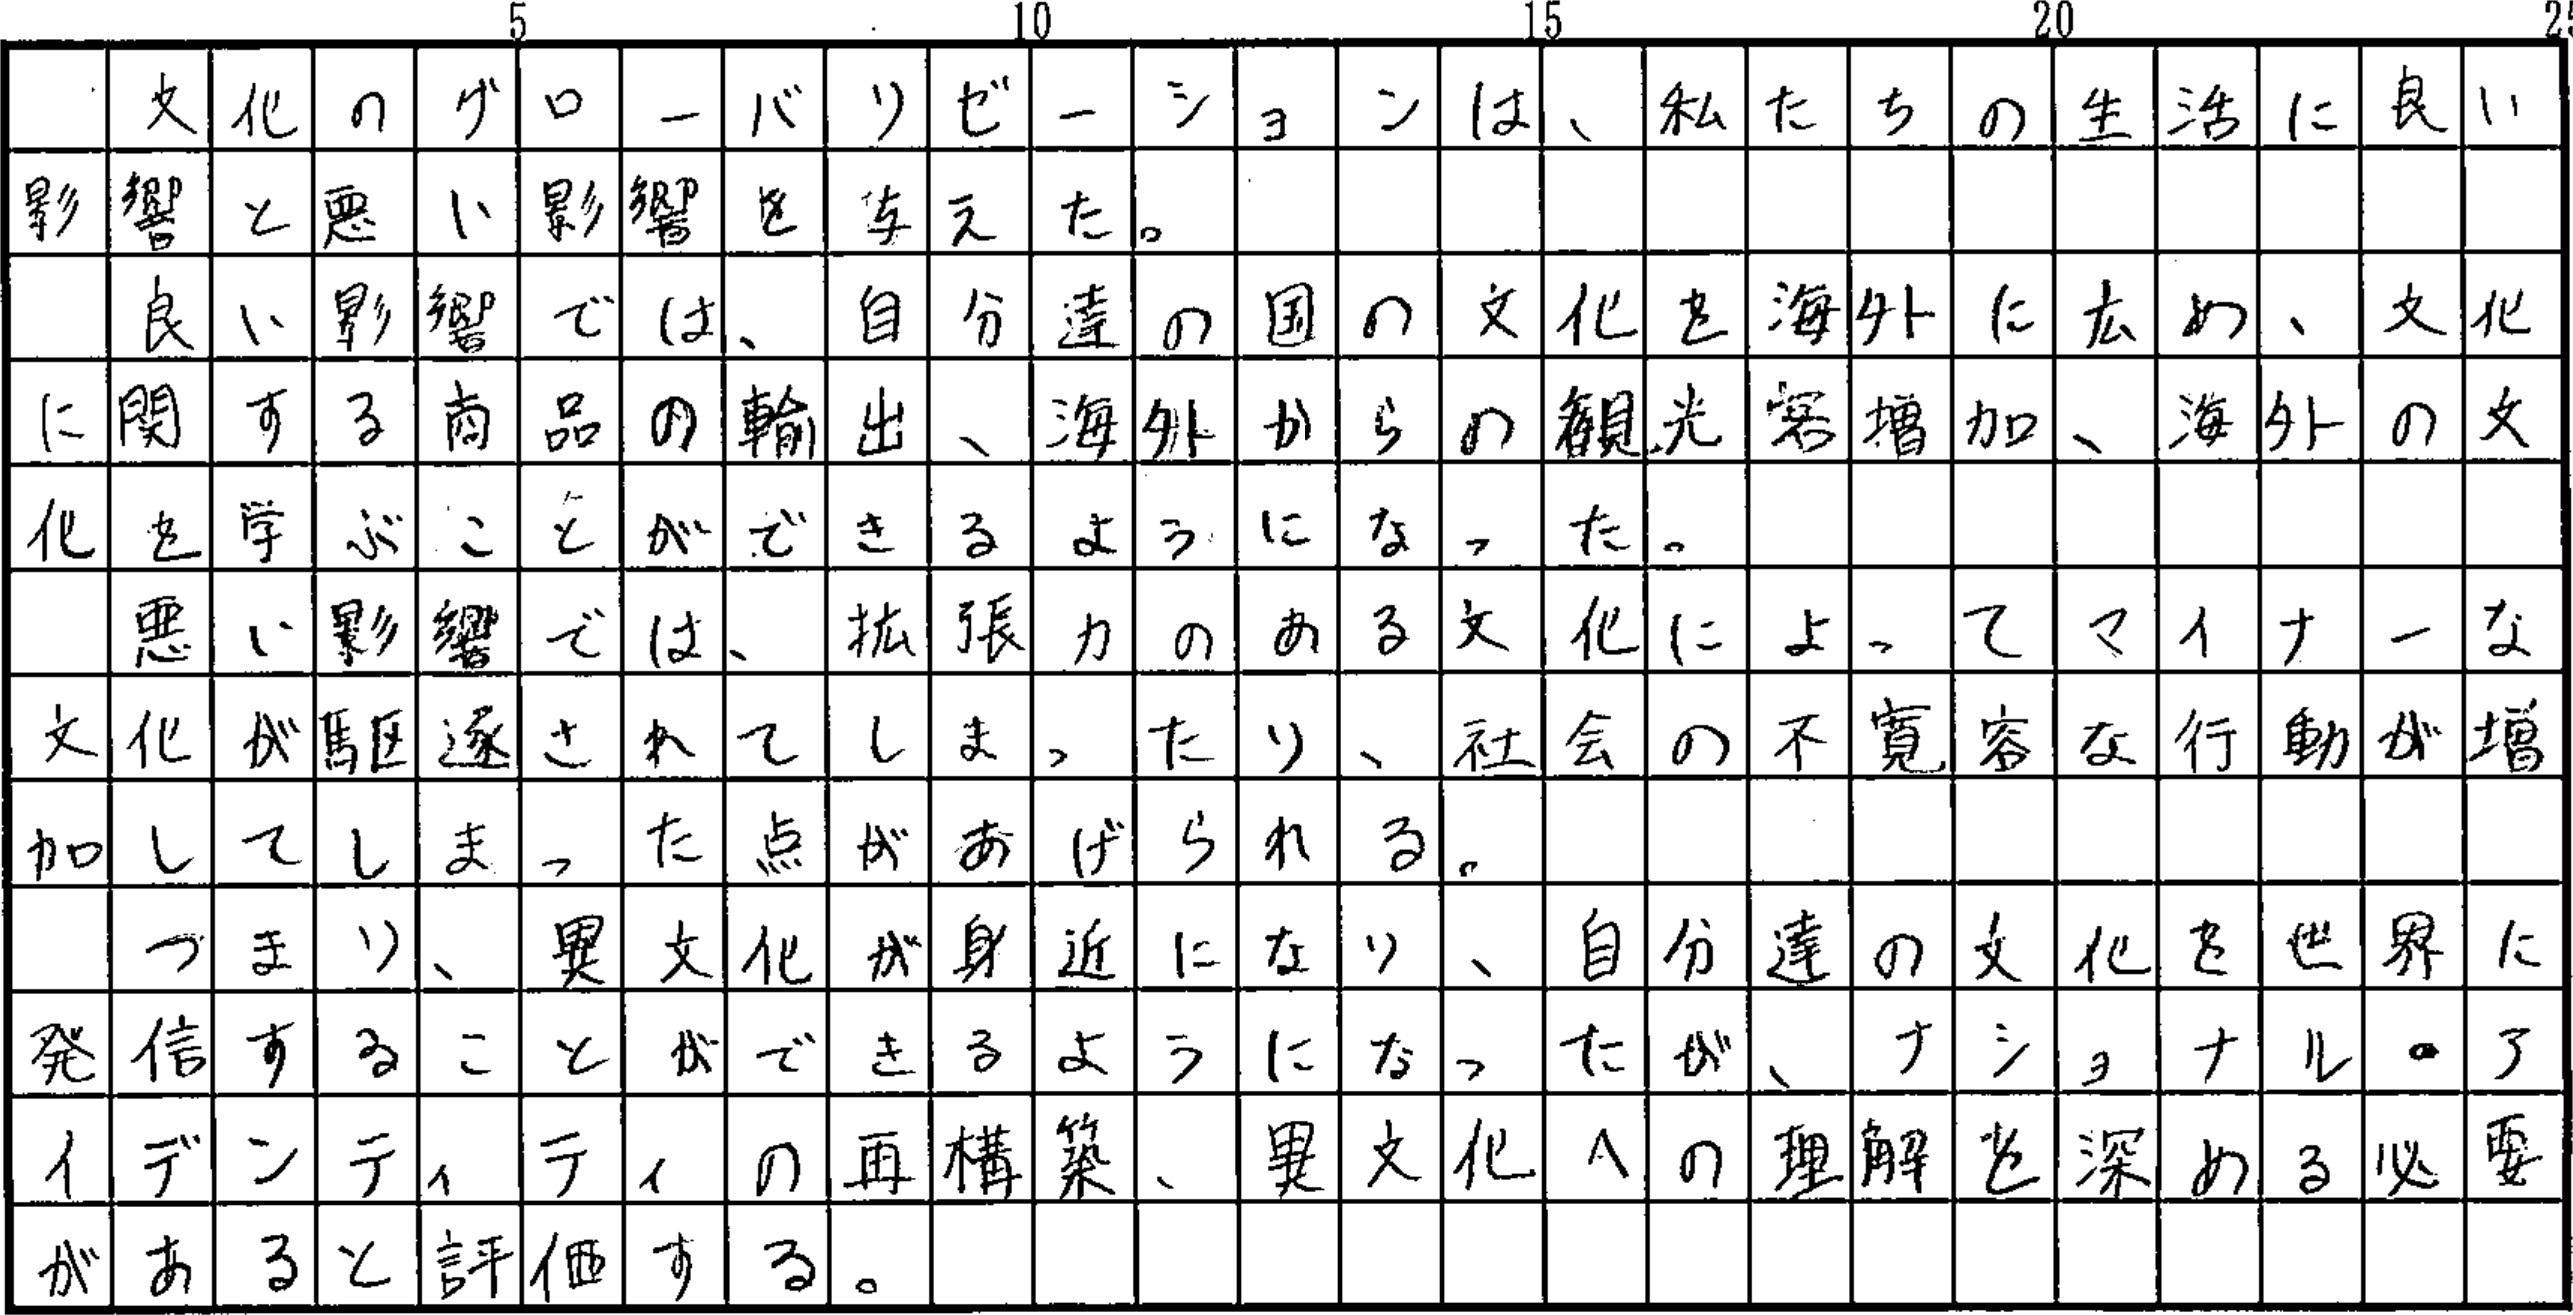　文化のグローバリゼーションは、私たちの生活に良い影響と悪い影響を与えた。
　良い影響では、自分達の国の文化を海外に広め、文化に関する商品の輸出、海外からの観光客増加、海外の文化を学ぶことができるようになった。
　悪い影響では、拡張力のある文化によってマイナーな文化が駆逐されてしまったり、社会の不寛容な行動が増加してしまった点があげられる。
　つまり、異文化が身近になり、自分達の文化を世界に発信することができるようになったが、ナショナル・アイデンティティの再構築、異文化への理解を深める必要があると評価する。
